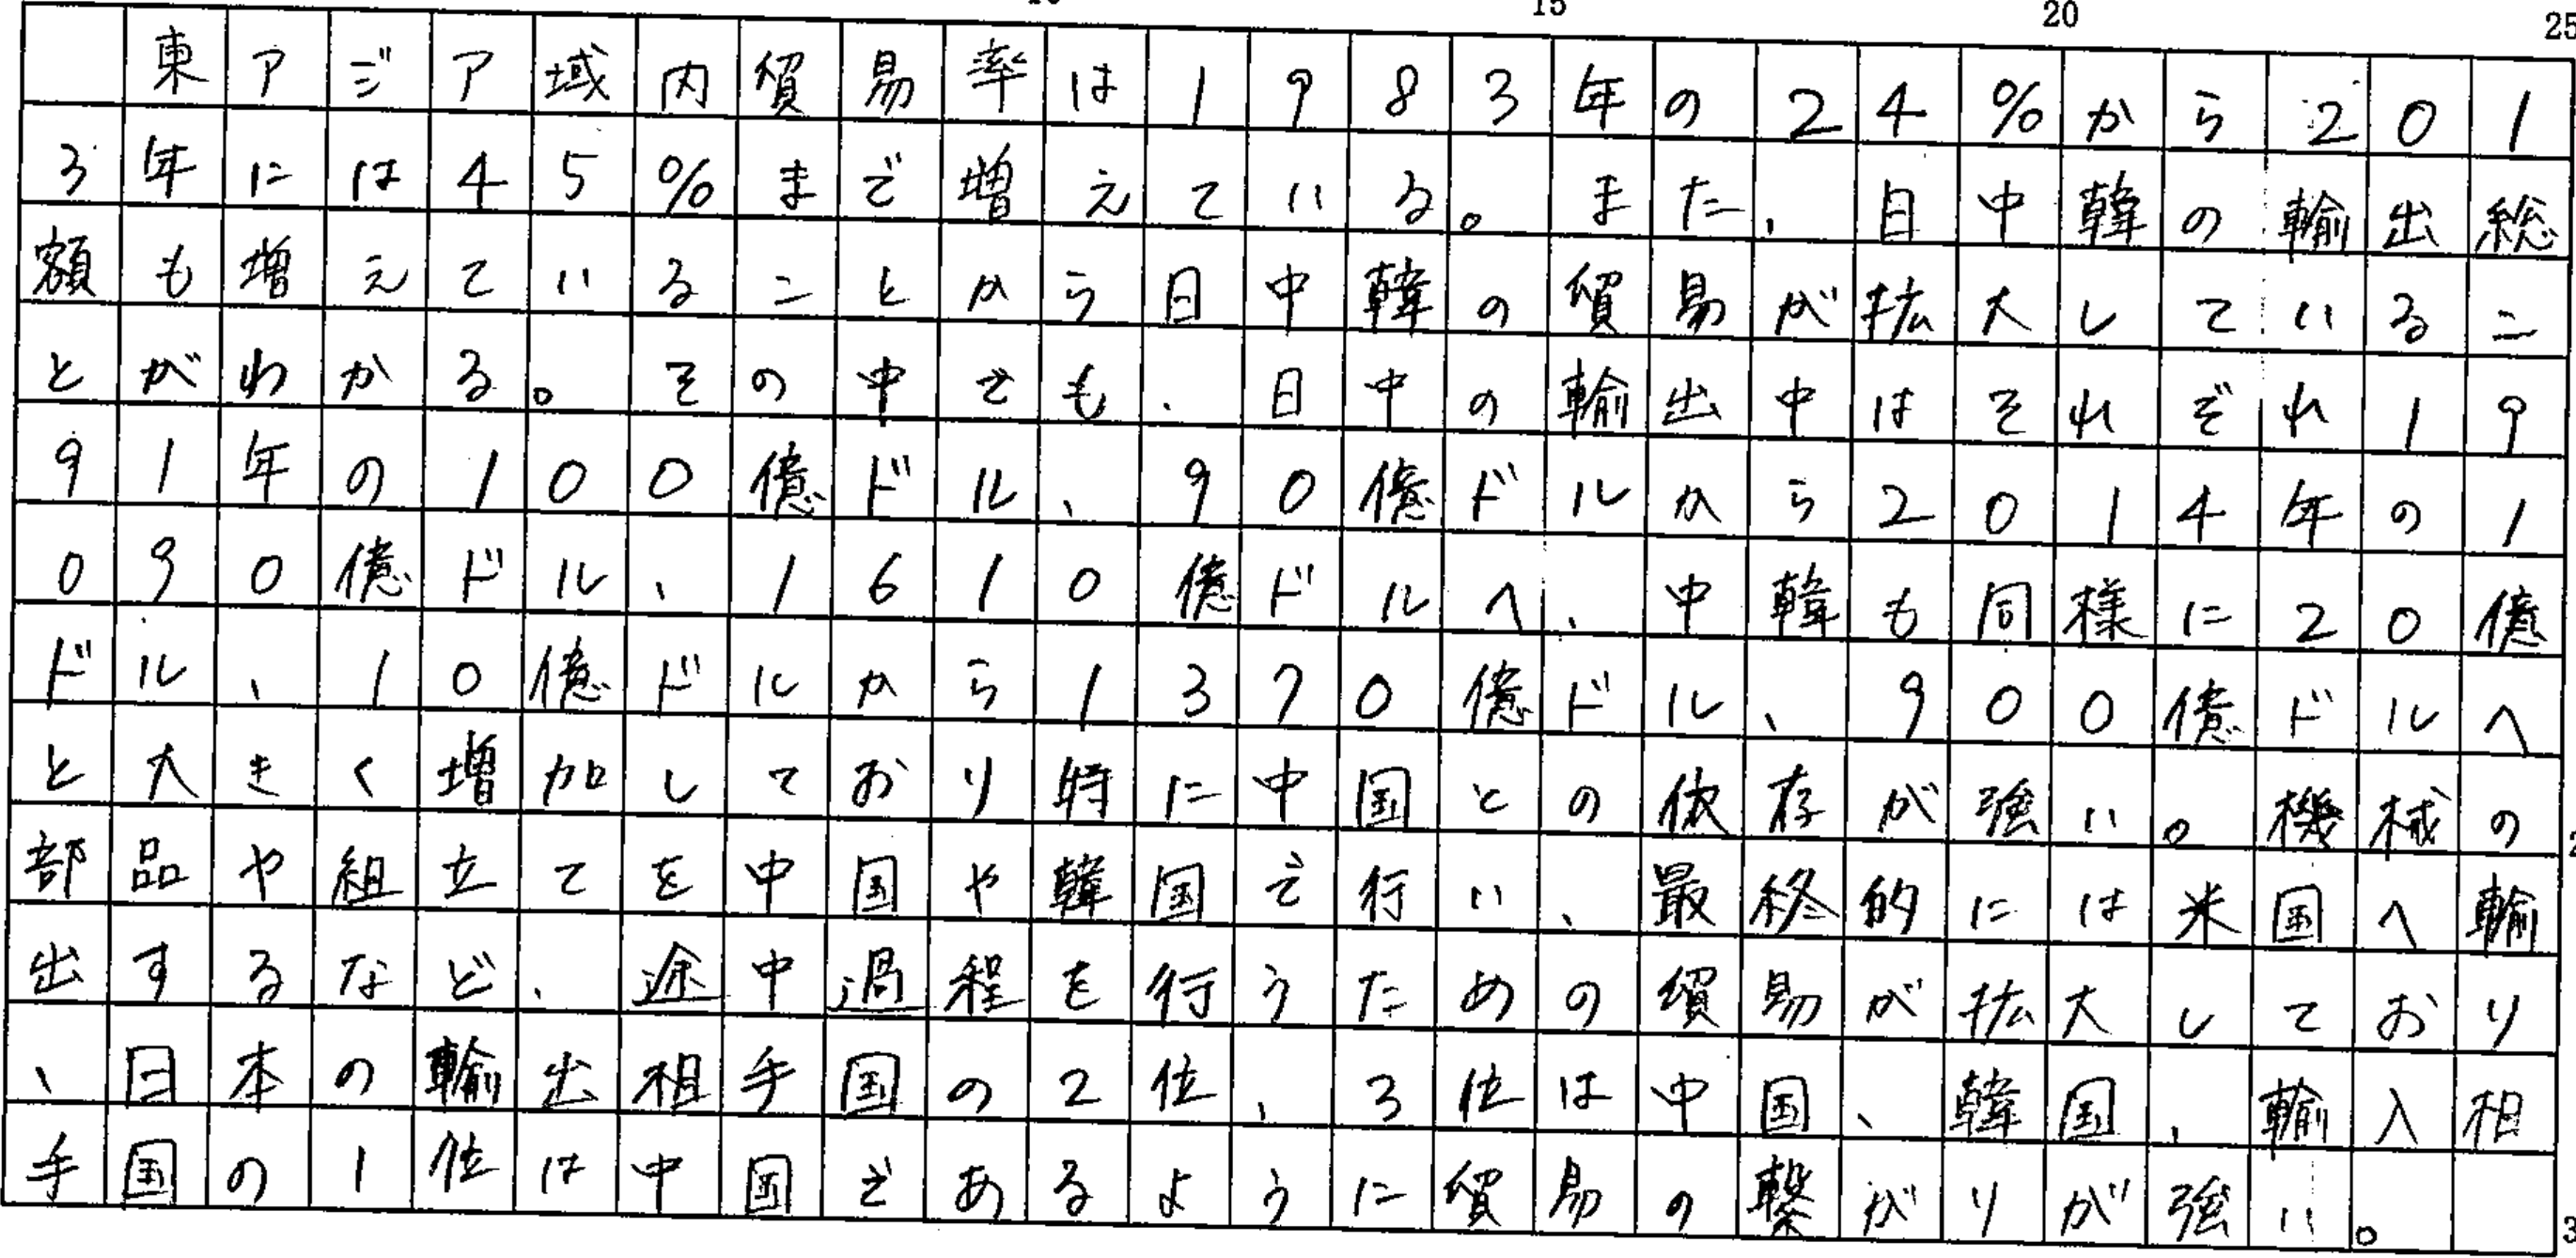　東アジア域内貿易率は１９８３年の２４％から２０１３年には４５％まで増えている。また、日中韓の輸出総額も増えていることから日中韓の貿易が拡大していることがわかる。その中でも、日中の輸出中はそれぞれ１９９１年の１００億ドル、９０億ドルから２０１４年の１０９０億ドル、１６１０億ドルへ、中韓も同様に２０億ドル、１０億ドルから１３７０億ドル、９００億ドルへと大きく増加しており特に中国との依存が強い。機械の部品や組立てを中国や韓国で行い、最終的には米国へ輸出するなど、途中過程を行うための貿易が拡大しており、日本の輸出相手国の２位、３位は中国、韓国、輸入相手国の１位は中国であるように貿易の繋がりが強い。
